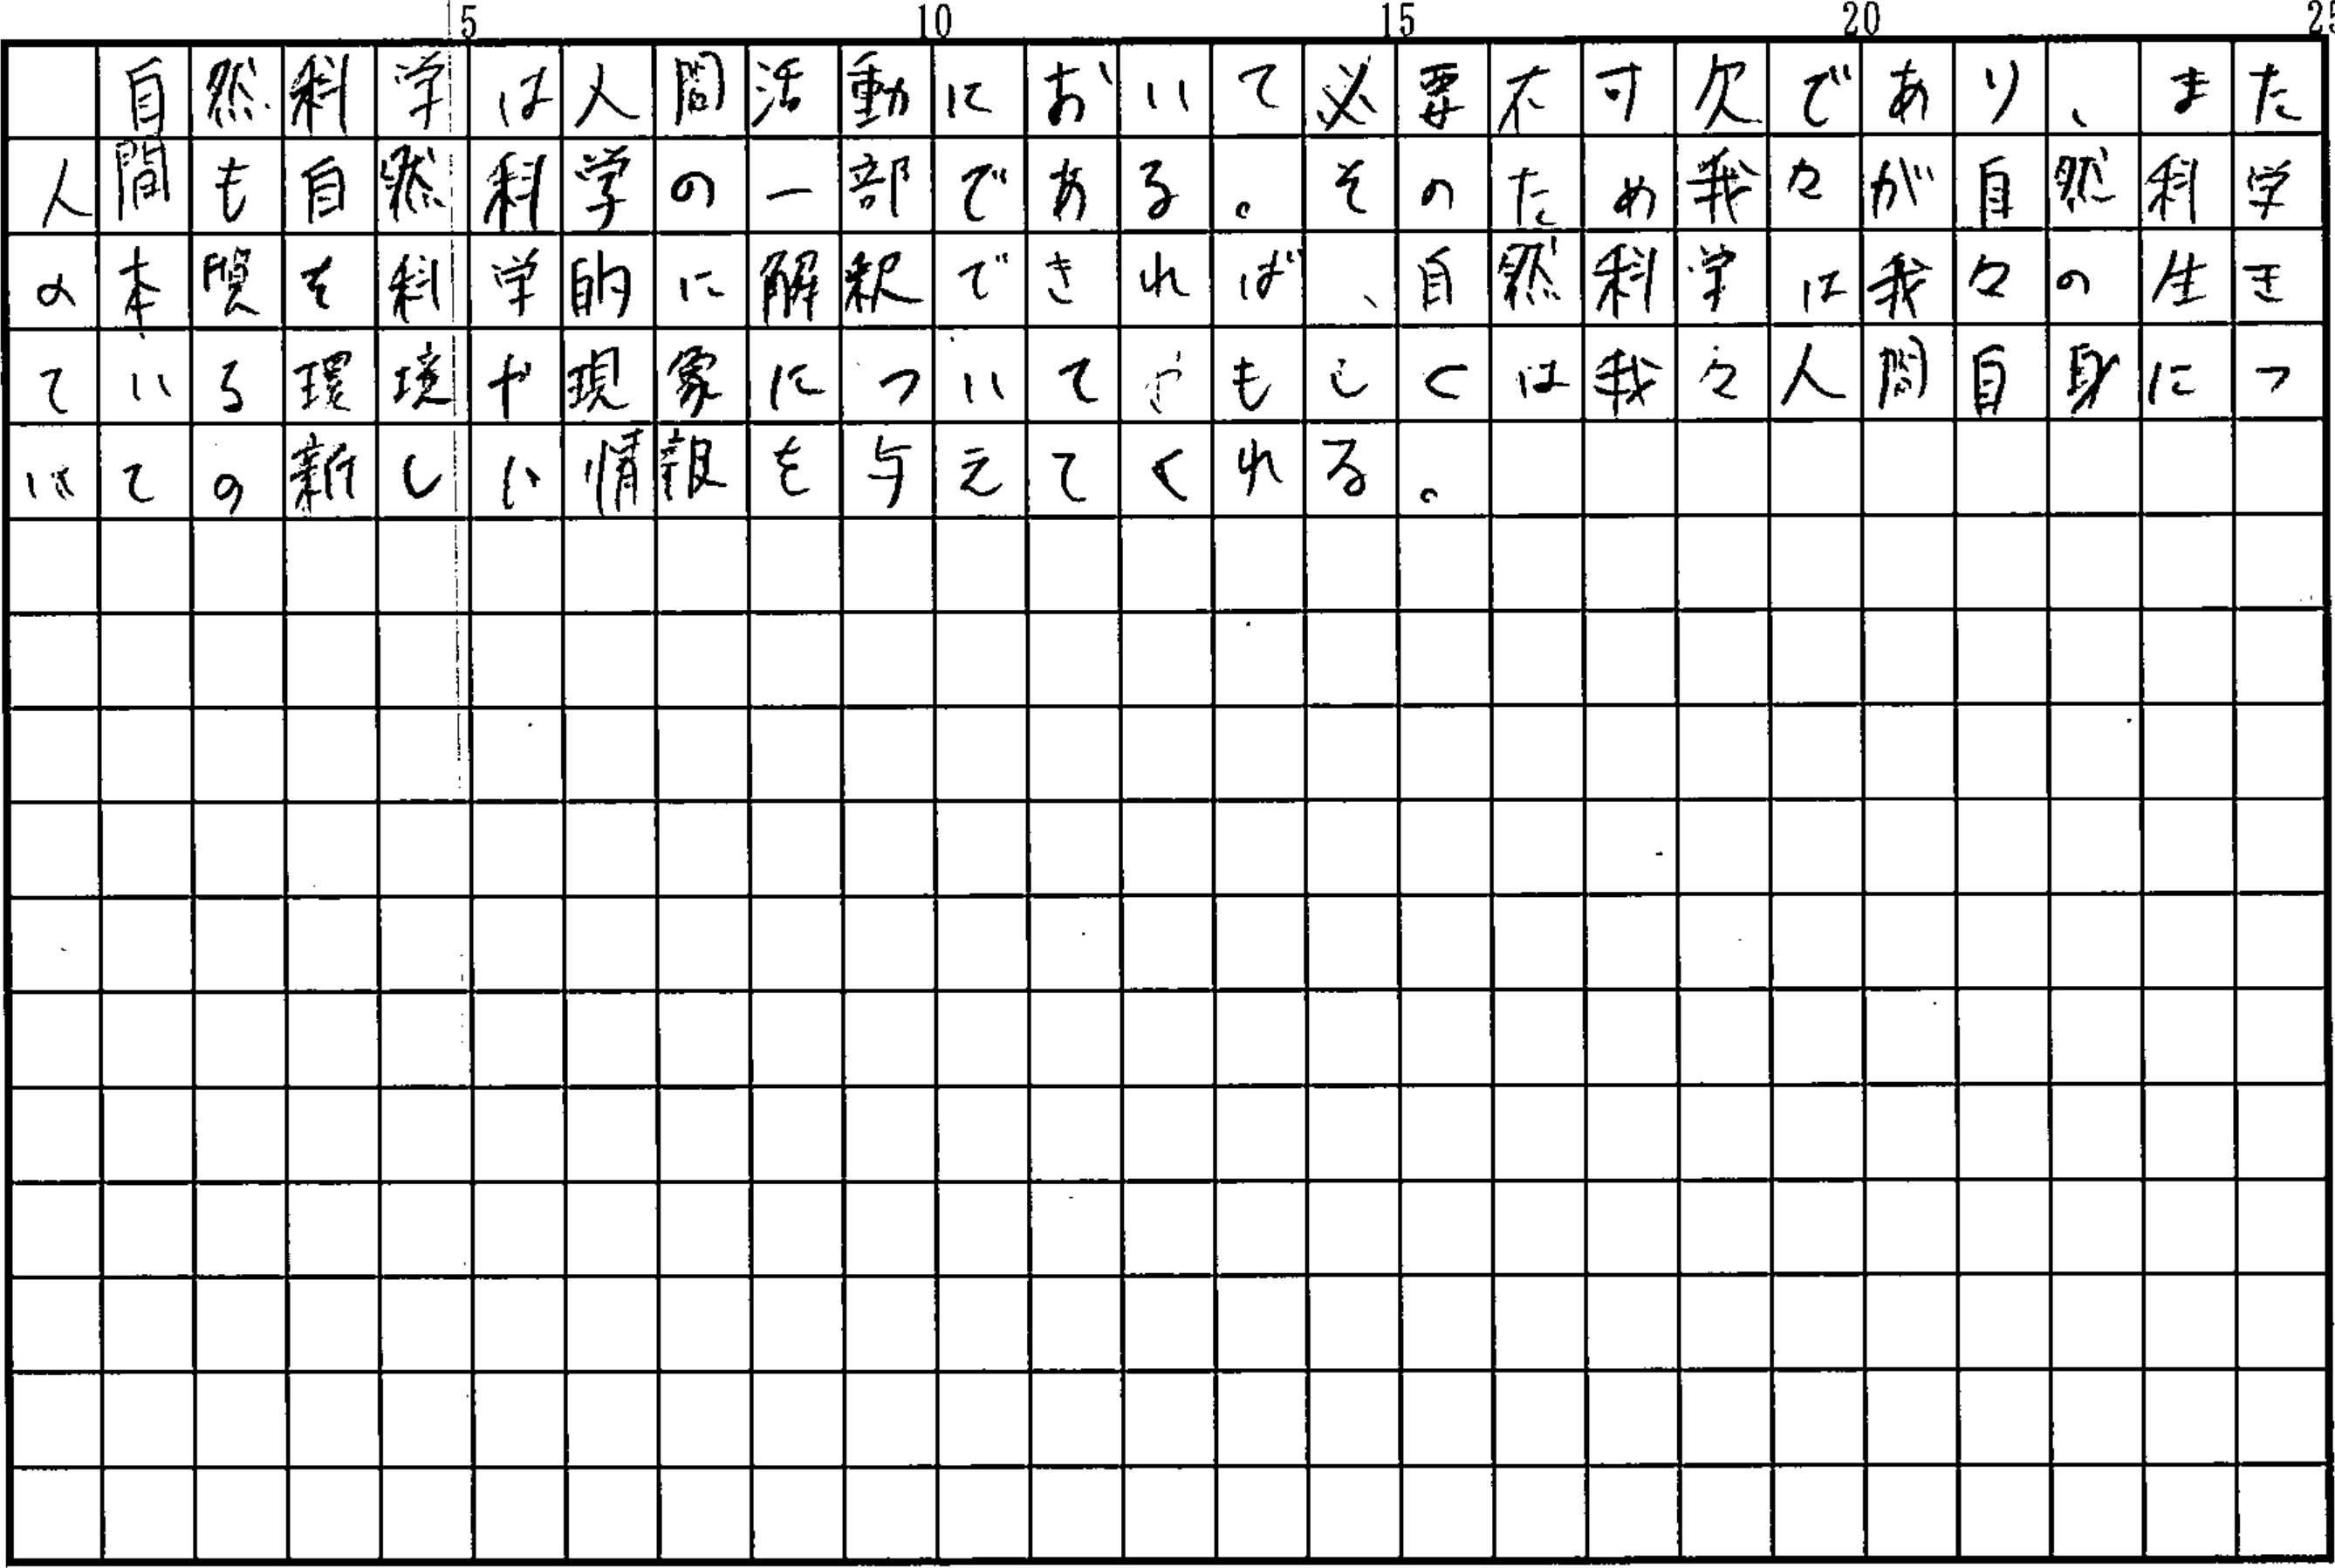　自然科学は人間活動において必要不可欠であり、また人間も自然科学の一部である。そのため我々が自然科学の本質を科学的に解釈できれば、自然科学は我々の生きている環境や現象について、もしくは我々人間自身についての新しい情報を与えてくれる。
